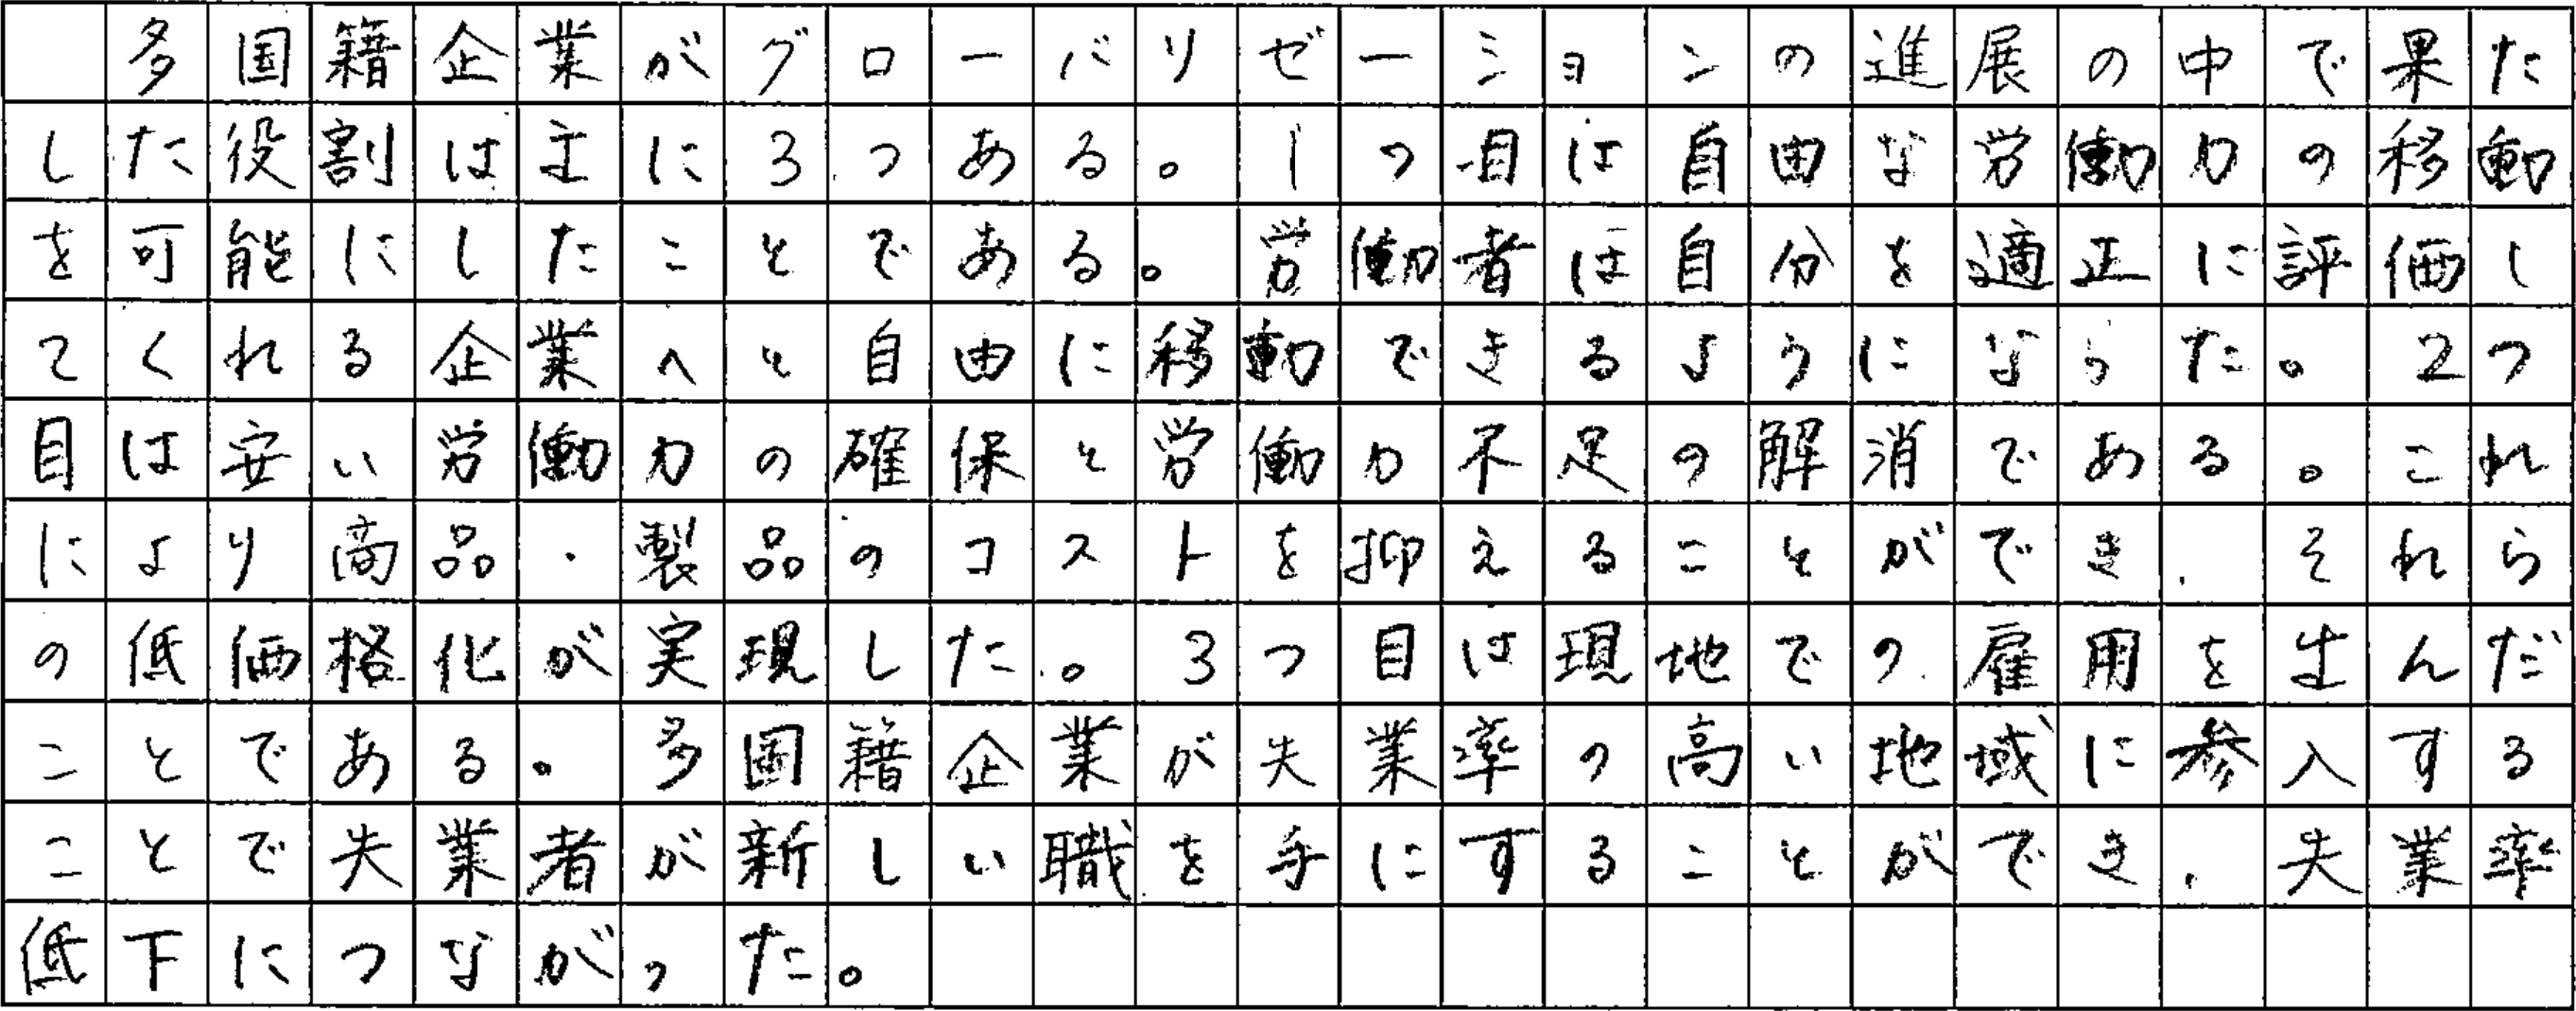　多国籍企業がグローバリゼーションの進展の中で果たした役割は主に３つある。１つ目は自由な労働力の移動を可能にしたことである。労働者は自分を適正に評価してくれる企業へと自由に移動できるようになった。２つ目は安い労働力の確保と労働力不足の解消である。これにより、商品・製品のコストを抑えることができ、それらの低価格化が実現した。３つ目は現地での雇用を生んだことである。多国籍企業が失業率の高い地域に参入することで失業者が新しい職を手にすることができ、失業率低下につながった。
